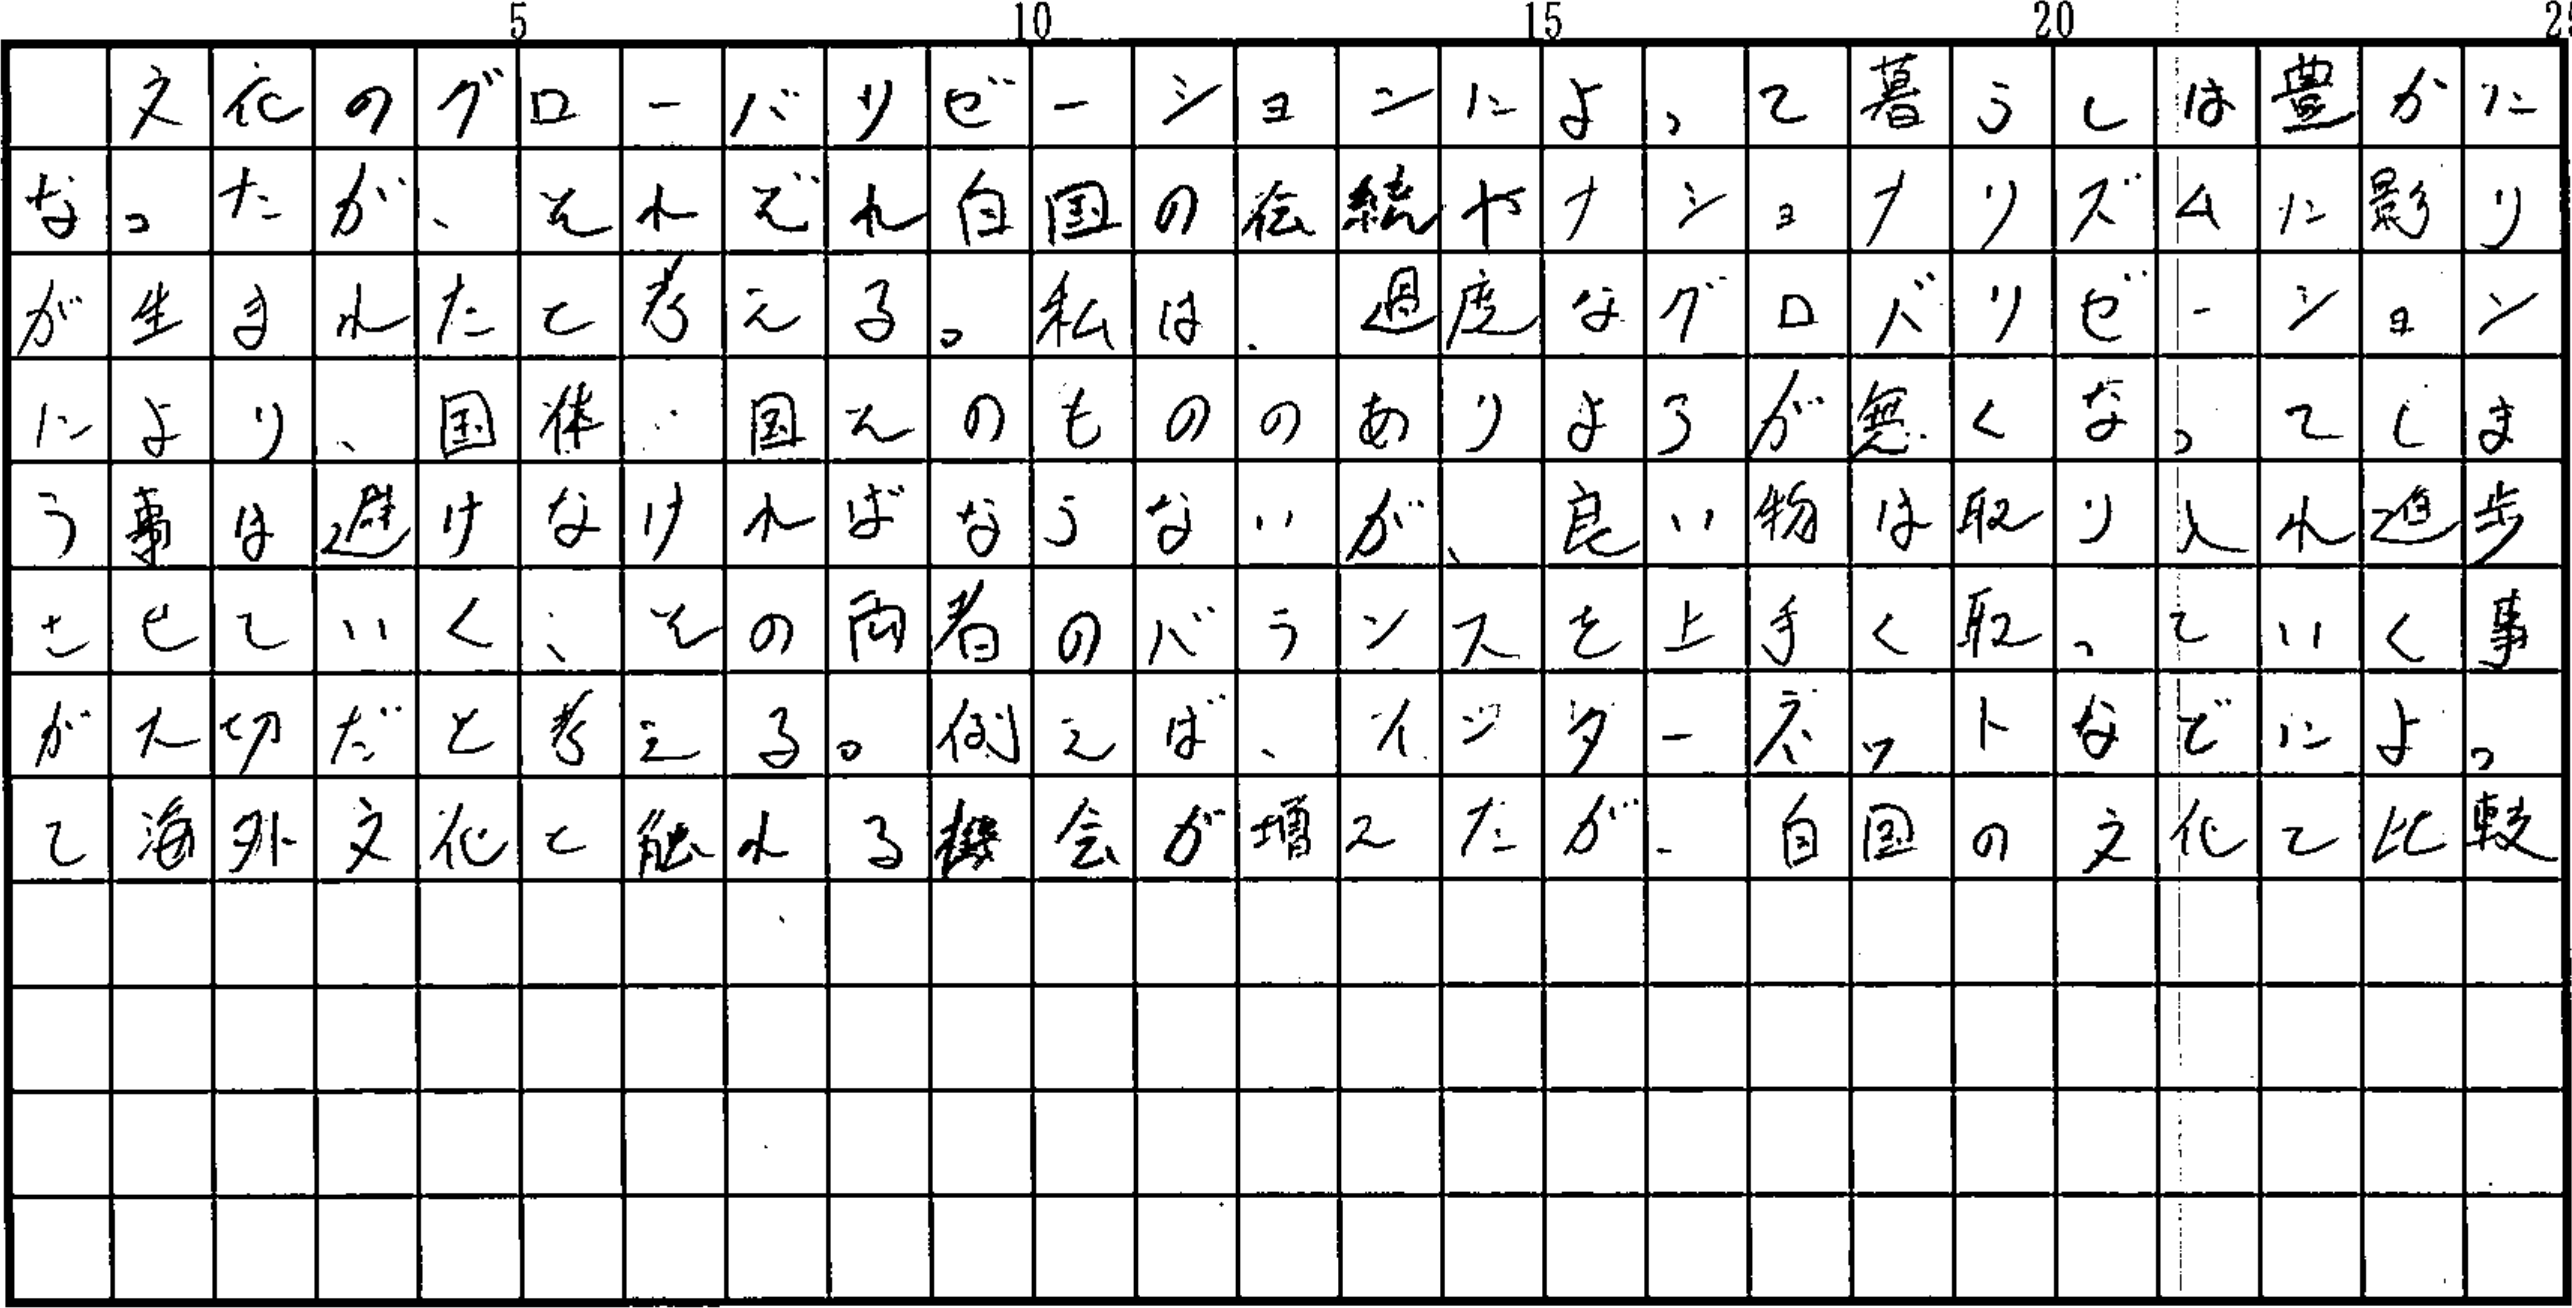　文化のグローバリゼーションによって暮らしは豊かになったが、それぞれ自国の伝統やナショナリズムに影りが生まれたと考える。私は、過度なグロバリゼーションにより、国体・国そのもののありようが無くなってしまう事は避けなければならないが、良い物は取り入れ進歩させていく、その両者のバランスを上手く取っていく事が大切だと考える。例えば、インターネットなどによって海外文化と触れる機会が増えたが、自国の文化と比較
